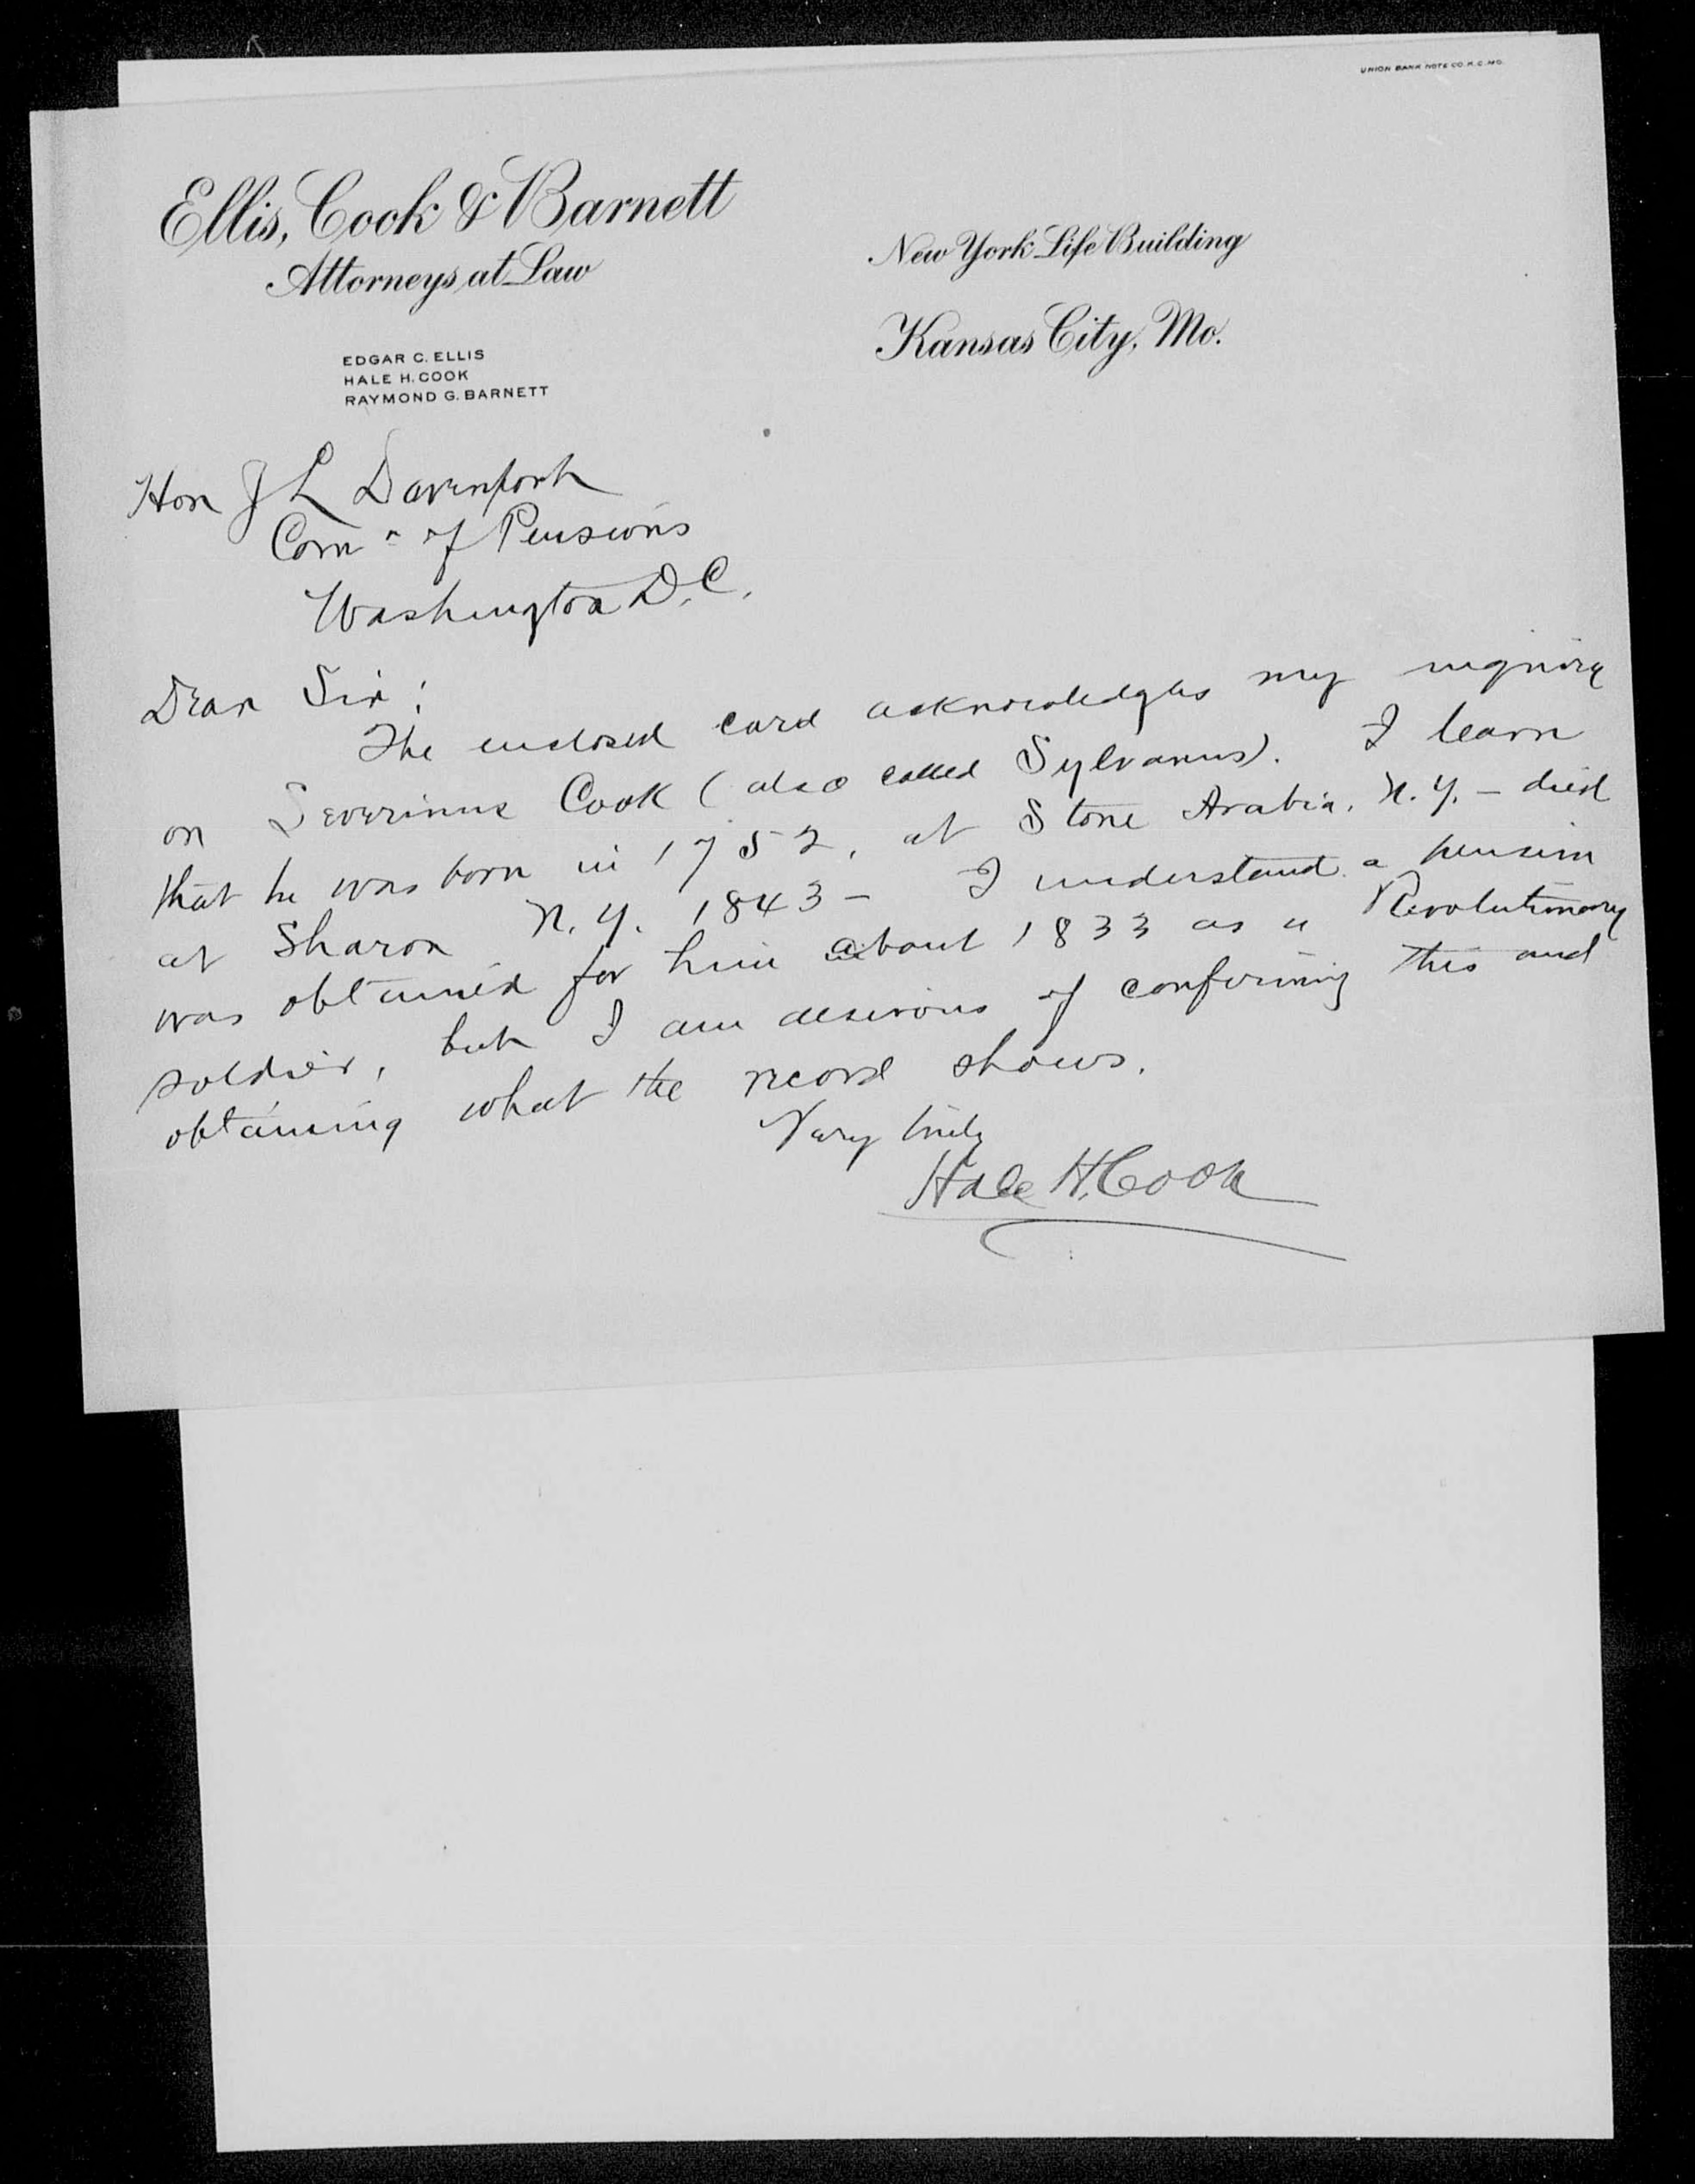Ellis, Cook & Barnett
Attorneys at Law

EDGAR C. ELLIS
HALE H. COOK
RAYMOND G. BARNETT

New York Life Building
Kansas City, Mo.

Hon J L Davenport
Comr of Pensions
Washington D.C.

Dear Sir: 

The enclosed card acknowledges my inquiry on Severinus Cook (also called Sylvanus). I learn that he was born in 1752, at Stone Arabia, N.Y. - died at Sharon N.Y. 1843-

I understand pension was obtained for him about 1833 as a Revolutionary soldier, but I am desirous of confirming this and obtaining what the record shows.

Very truly
Hale H. Cook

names: Severinus Cook, Sylvanus, Edgar C Ellis, Hale H Cook, Cook, Hale H Cook, J L Davenport, Barnett, Ellis, Raymond G Barnett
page: 22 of 51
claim: survivor's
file: S. 12563, Severinus Cook, New York